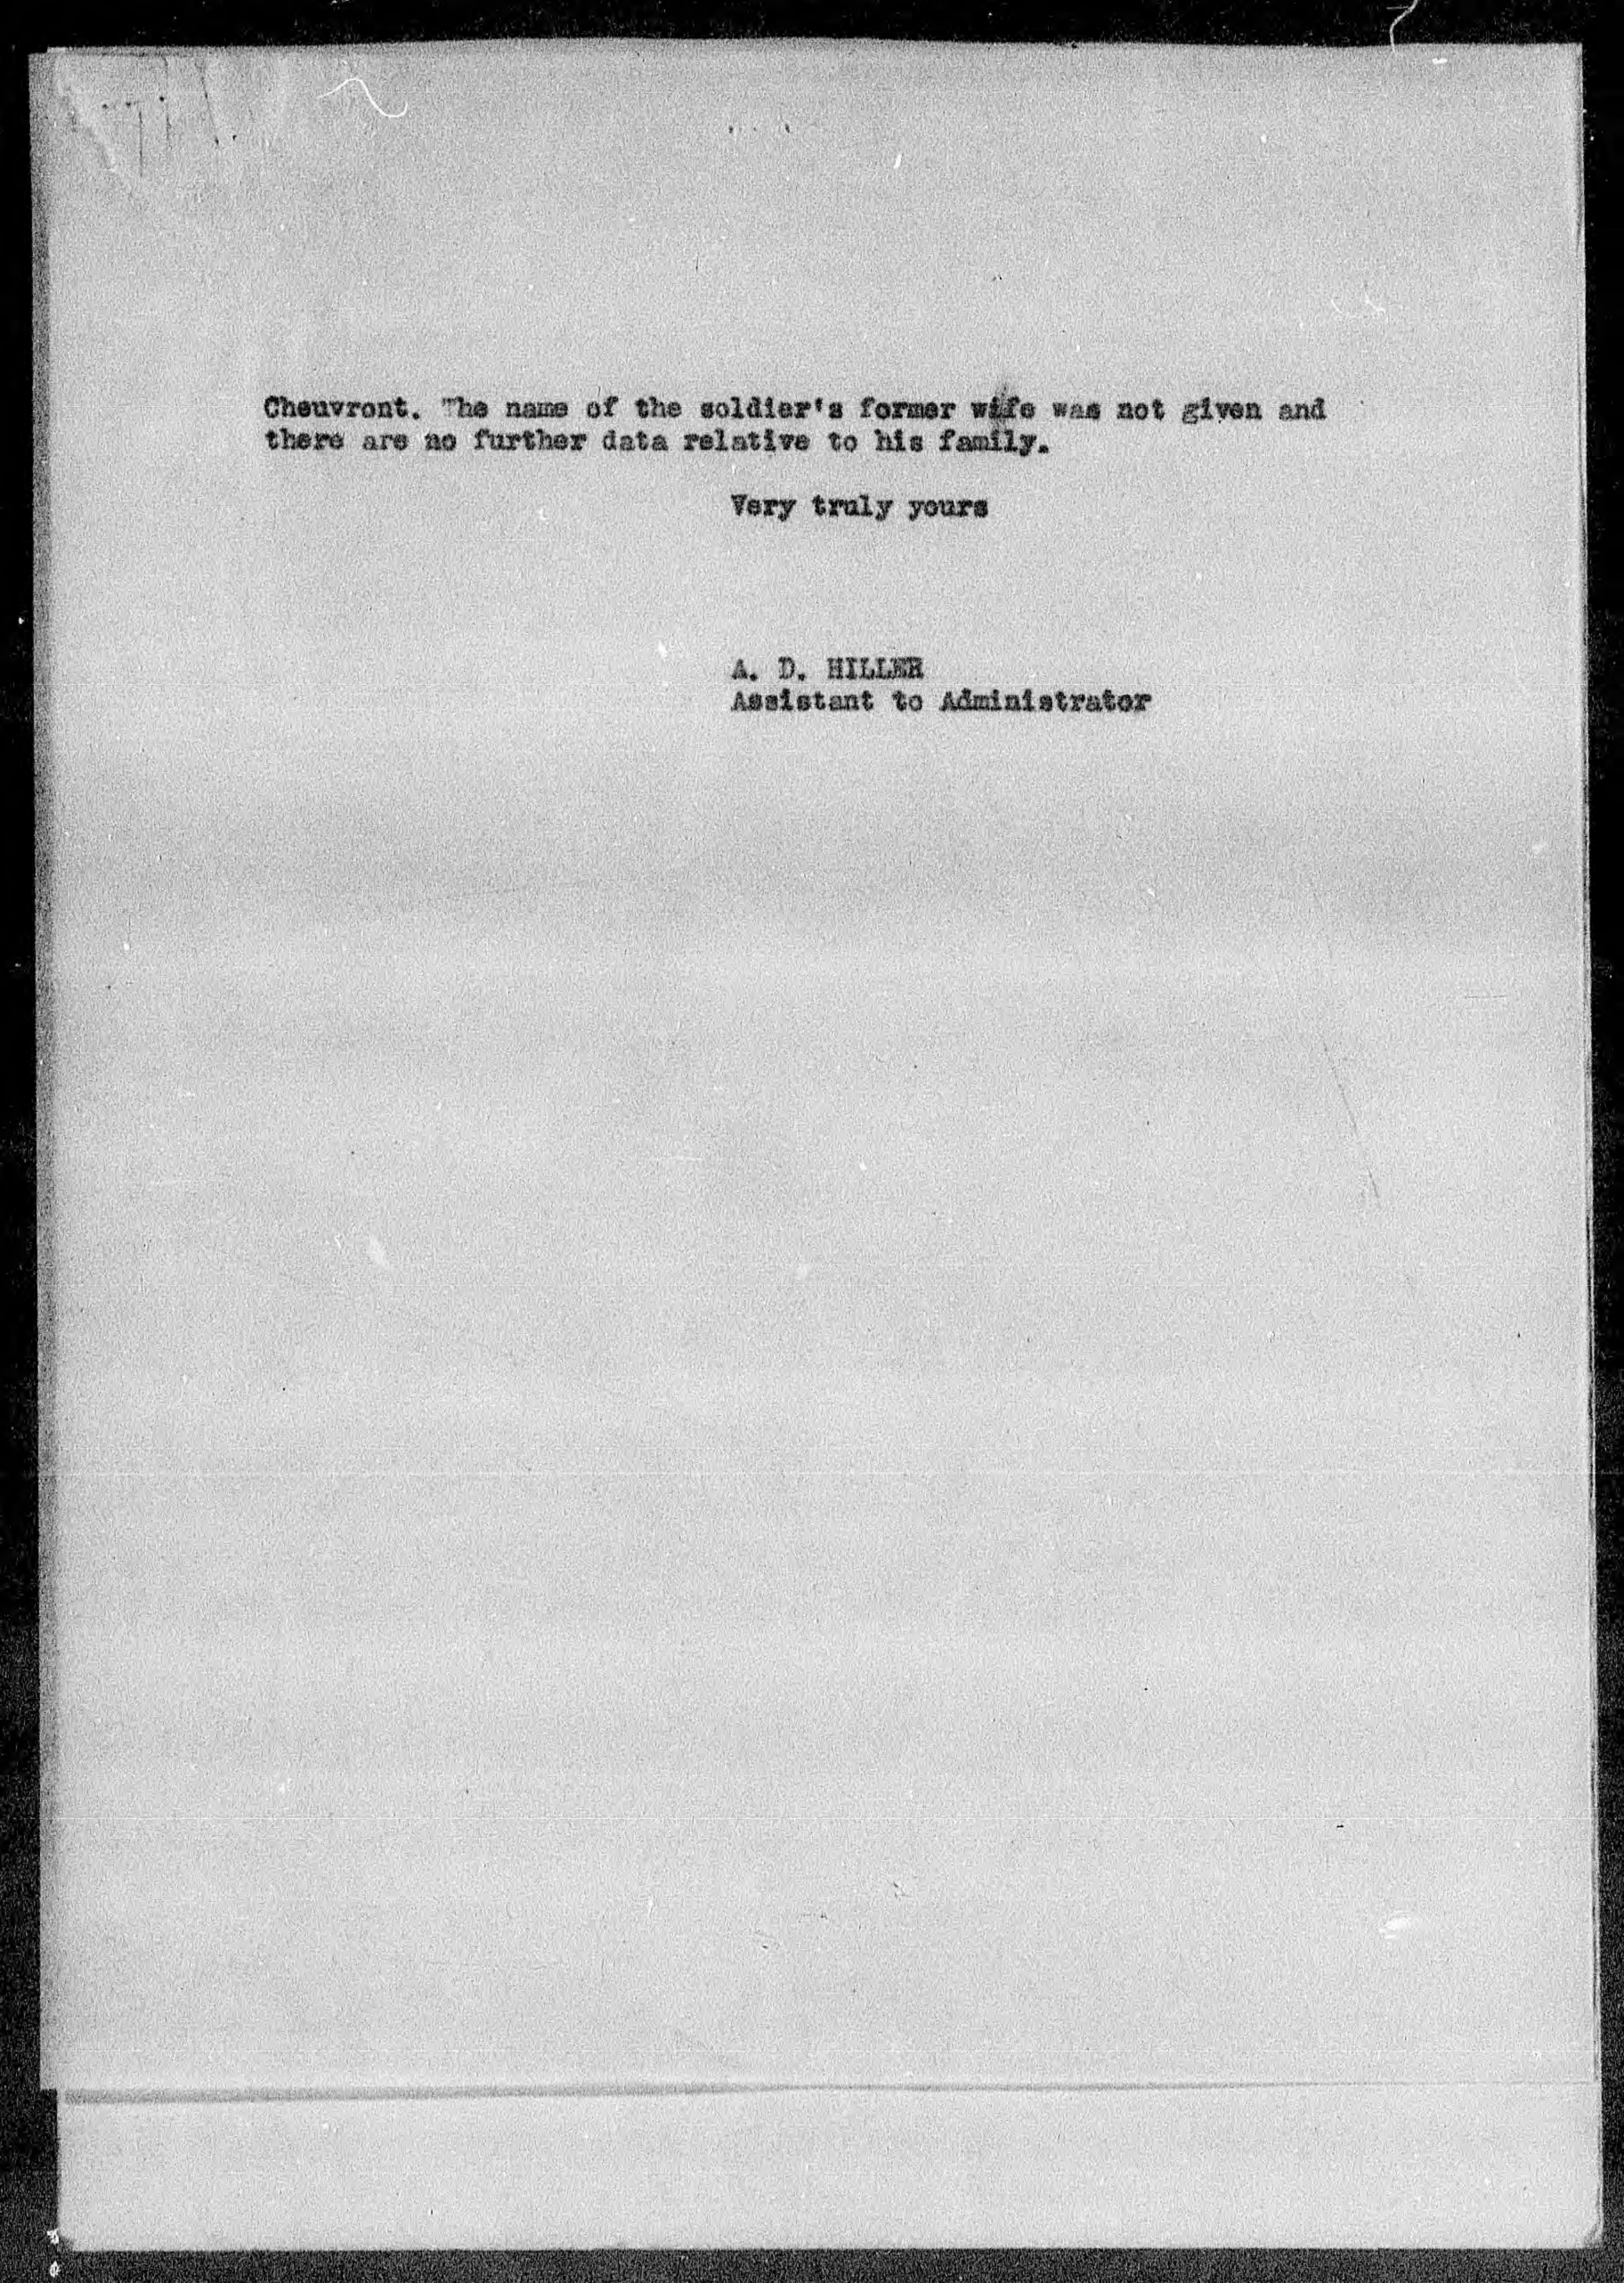Cheuvront. The name of the soldier's former wife was not given and there are no further data relative to his family.
Very truly yours
A. D. Hiller
Assistant to Administrator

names: Cheuvront, A D Hiller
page: 11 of 21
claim: rejected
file: R. 1,907, Joseph Cheuvront, Va.